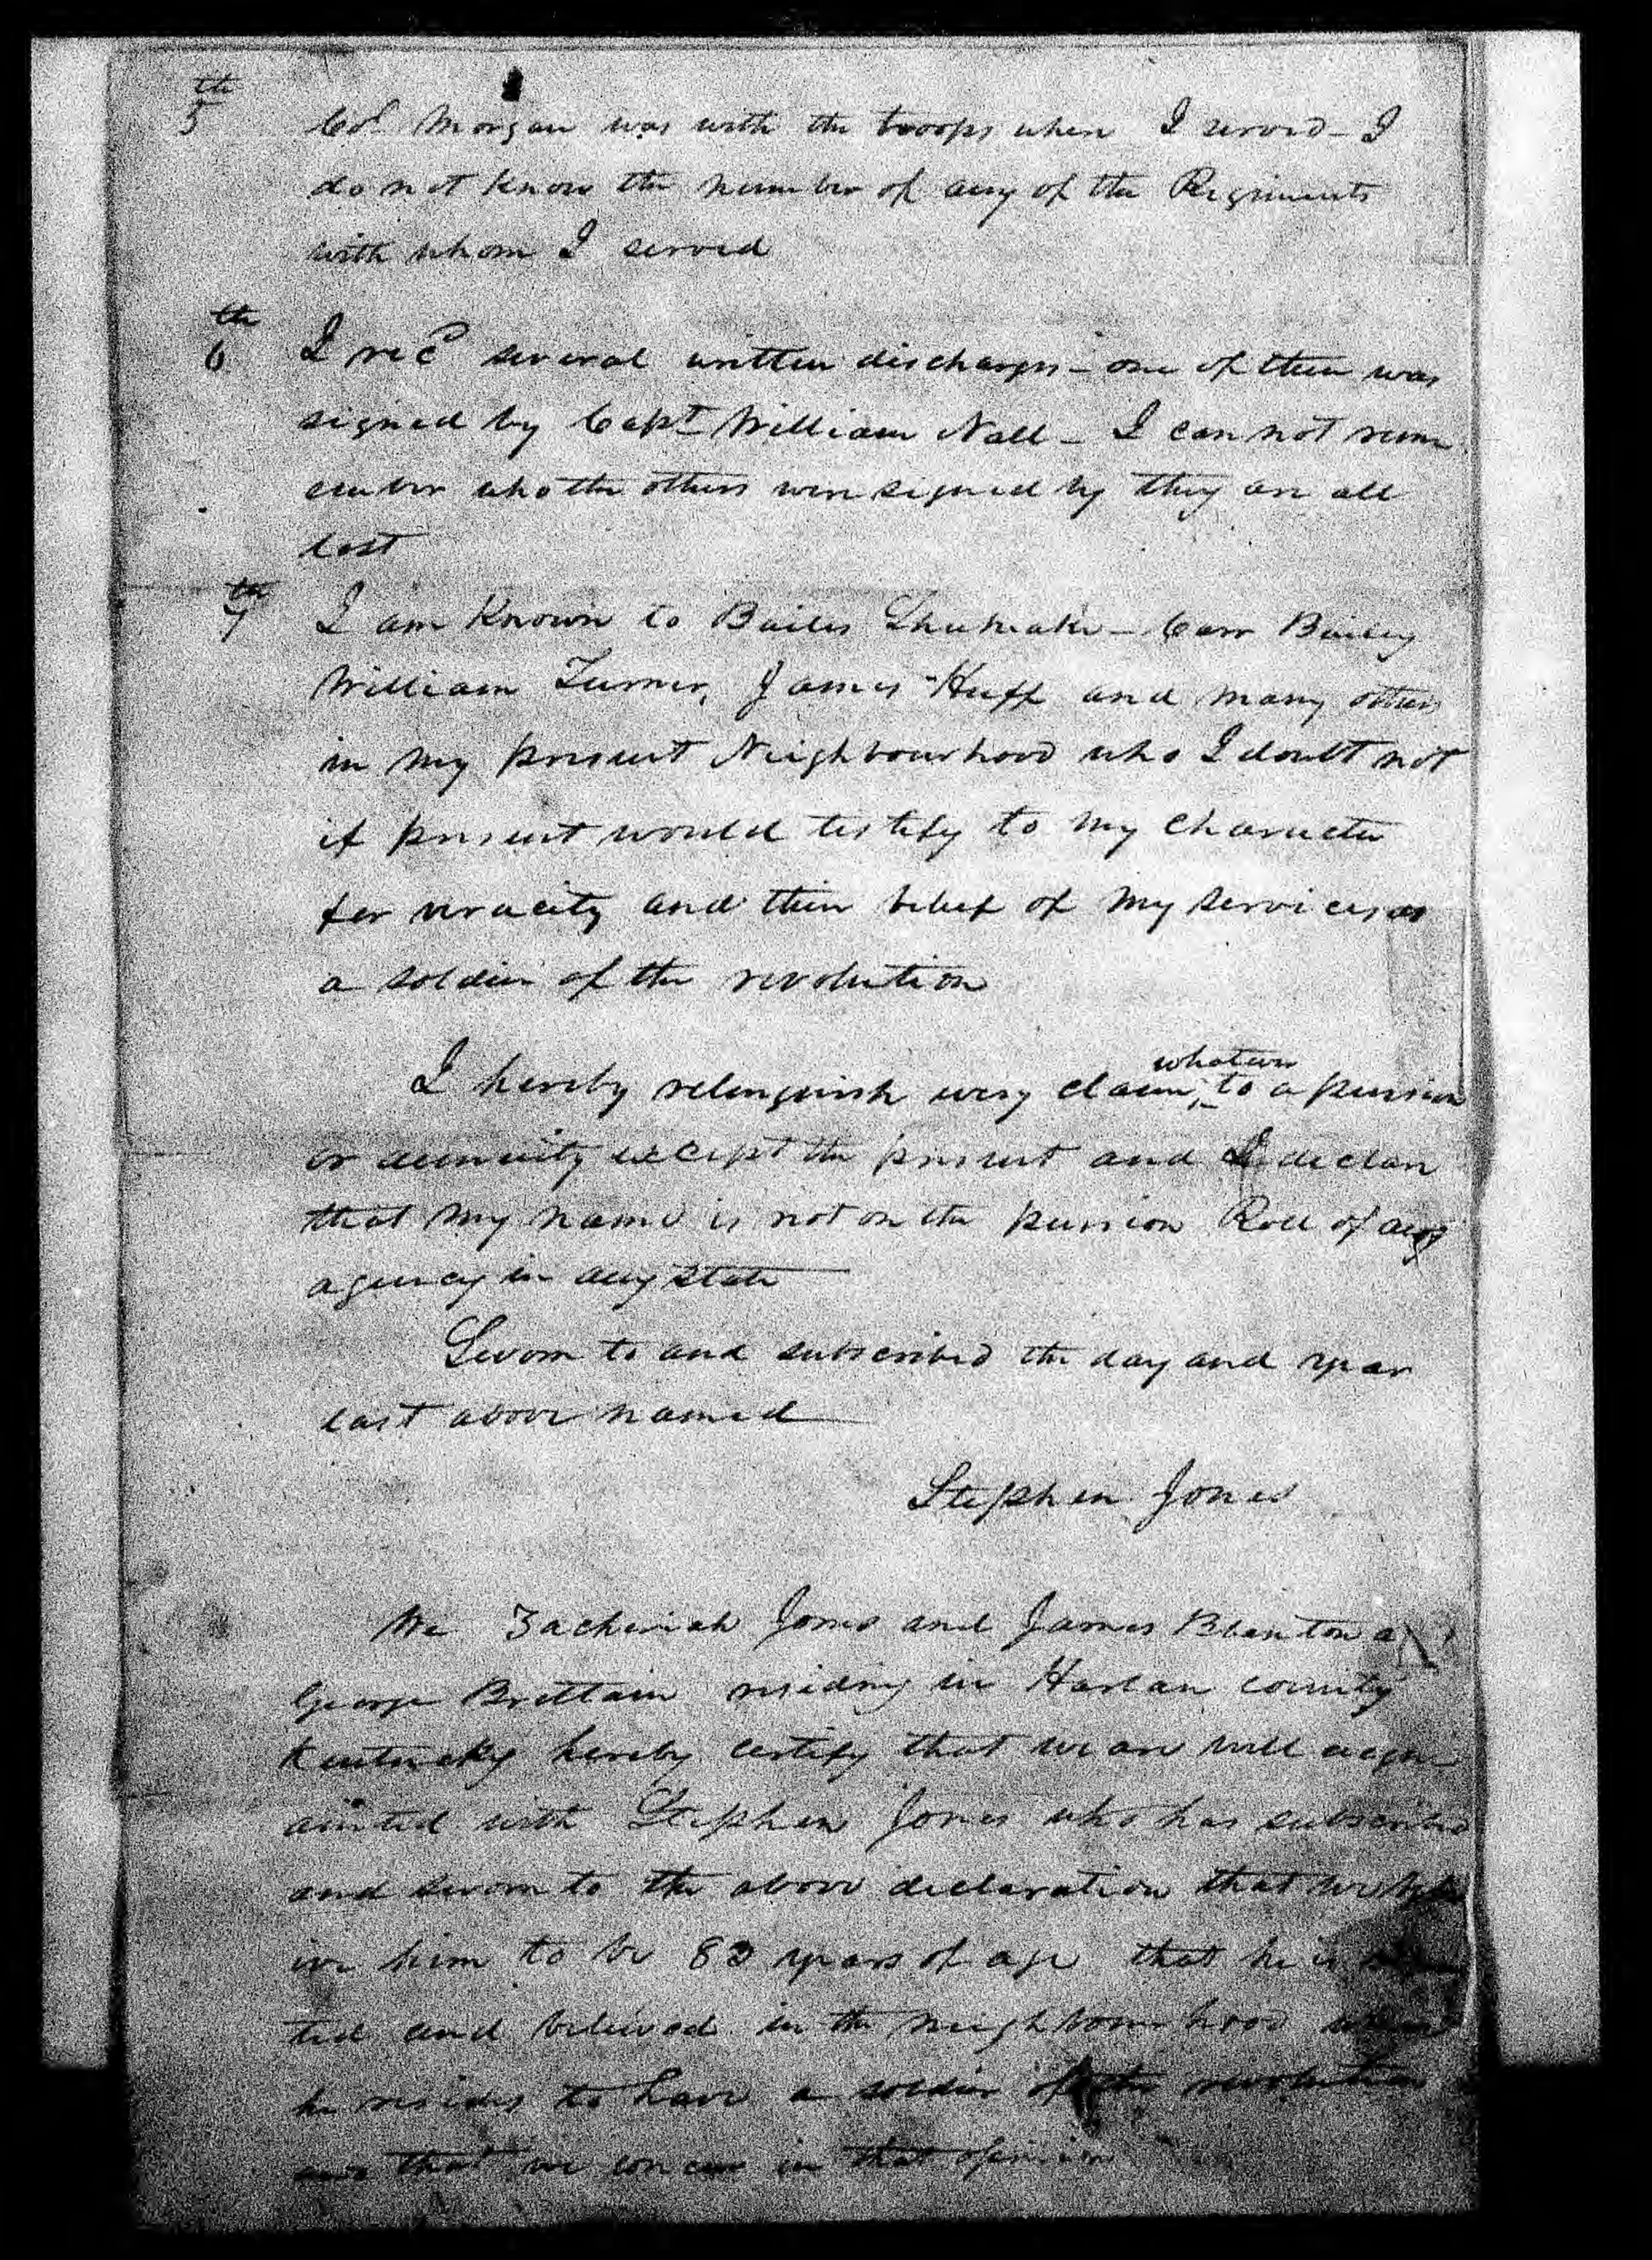5th  Col Morgan was with the troops when I served - I 
do not know the number of any of the Regiments
with whom I served
6th  I recd several written discharges - one of them was
signed by Capt William Nall - I cannot name
under who the others were signed by they are all 
lost 
7th  I am known to Baites Shumaker - Carr Bailey
William Turner, James Huff and many others
in my present Neighbourhood who I doubt not 
if present would testify to my character
for veracity and their belief of my services as
a soldier of the revolution
I hereby relinquish every claim whatever to a pension
or annuity except the present and I declare
that my name is not on the pension Roll of any
agency in any state
Sworn to and subscribed the day and year
last above named

Stephen Jones

We Zacheriah Jones and James Blanton a
George Brittain residing in Harlan County
Kentucky hereby certify that we are well acquainted
with Stephen Jones who has subscribed
and sworn to the above declaration that we [ink blob]
him to be 83 years of age, that he is [ink blob]
and believed in the neighbourhood where
he resides to have a soldier of the revolution
and that we concur in that opinion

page: 7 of 17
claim: survivor's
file: S. 38092, for Stephen Jones, North Carolina